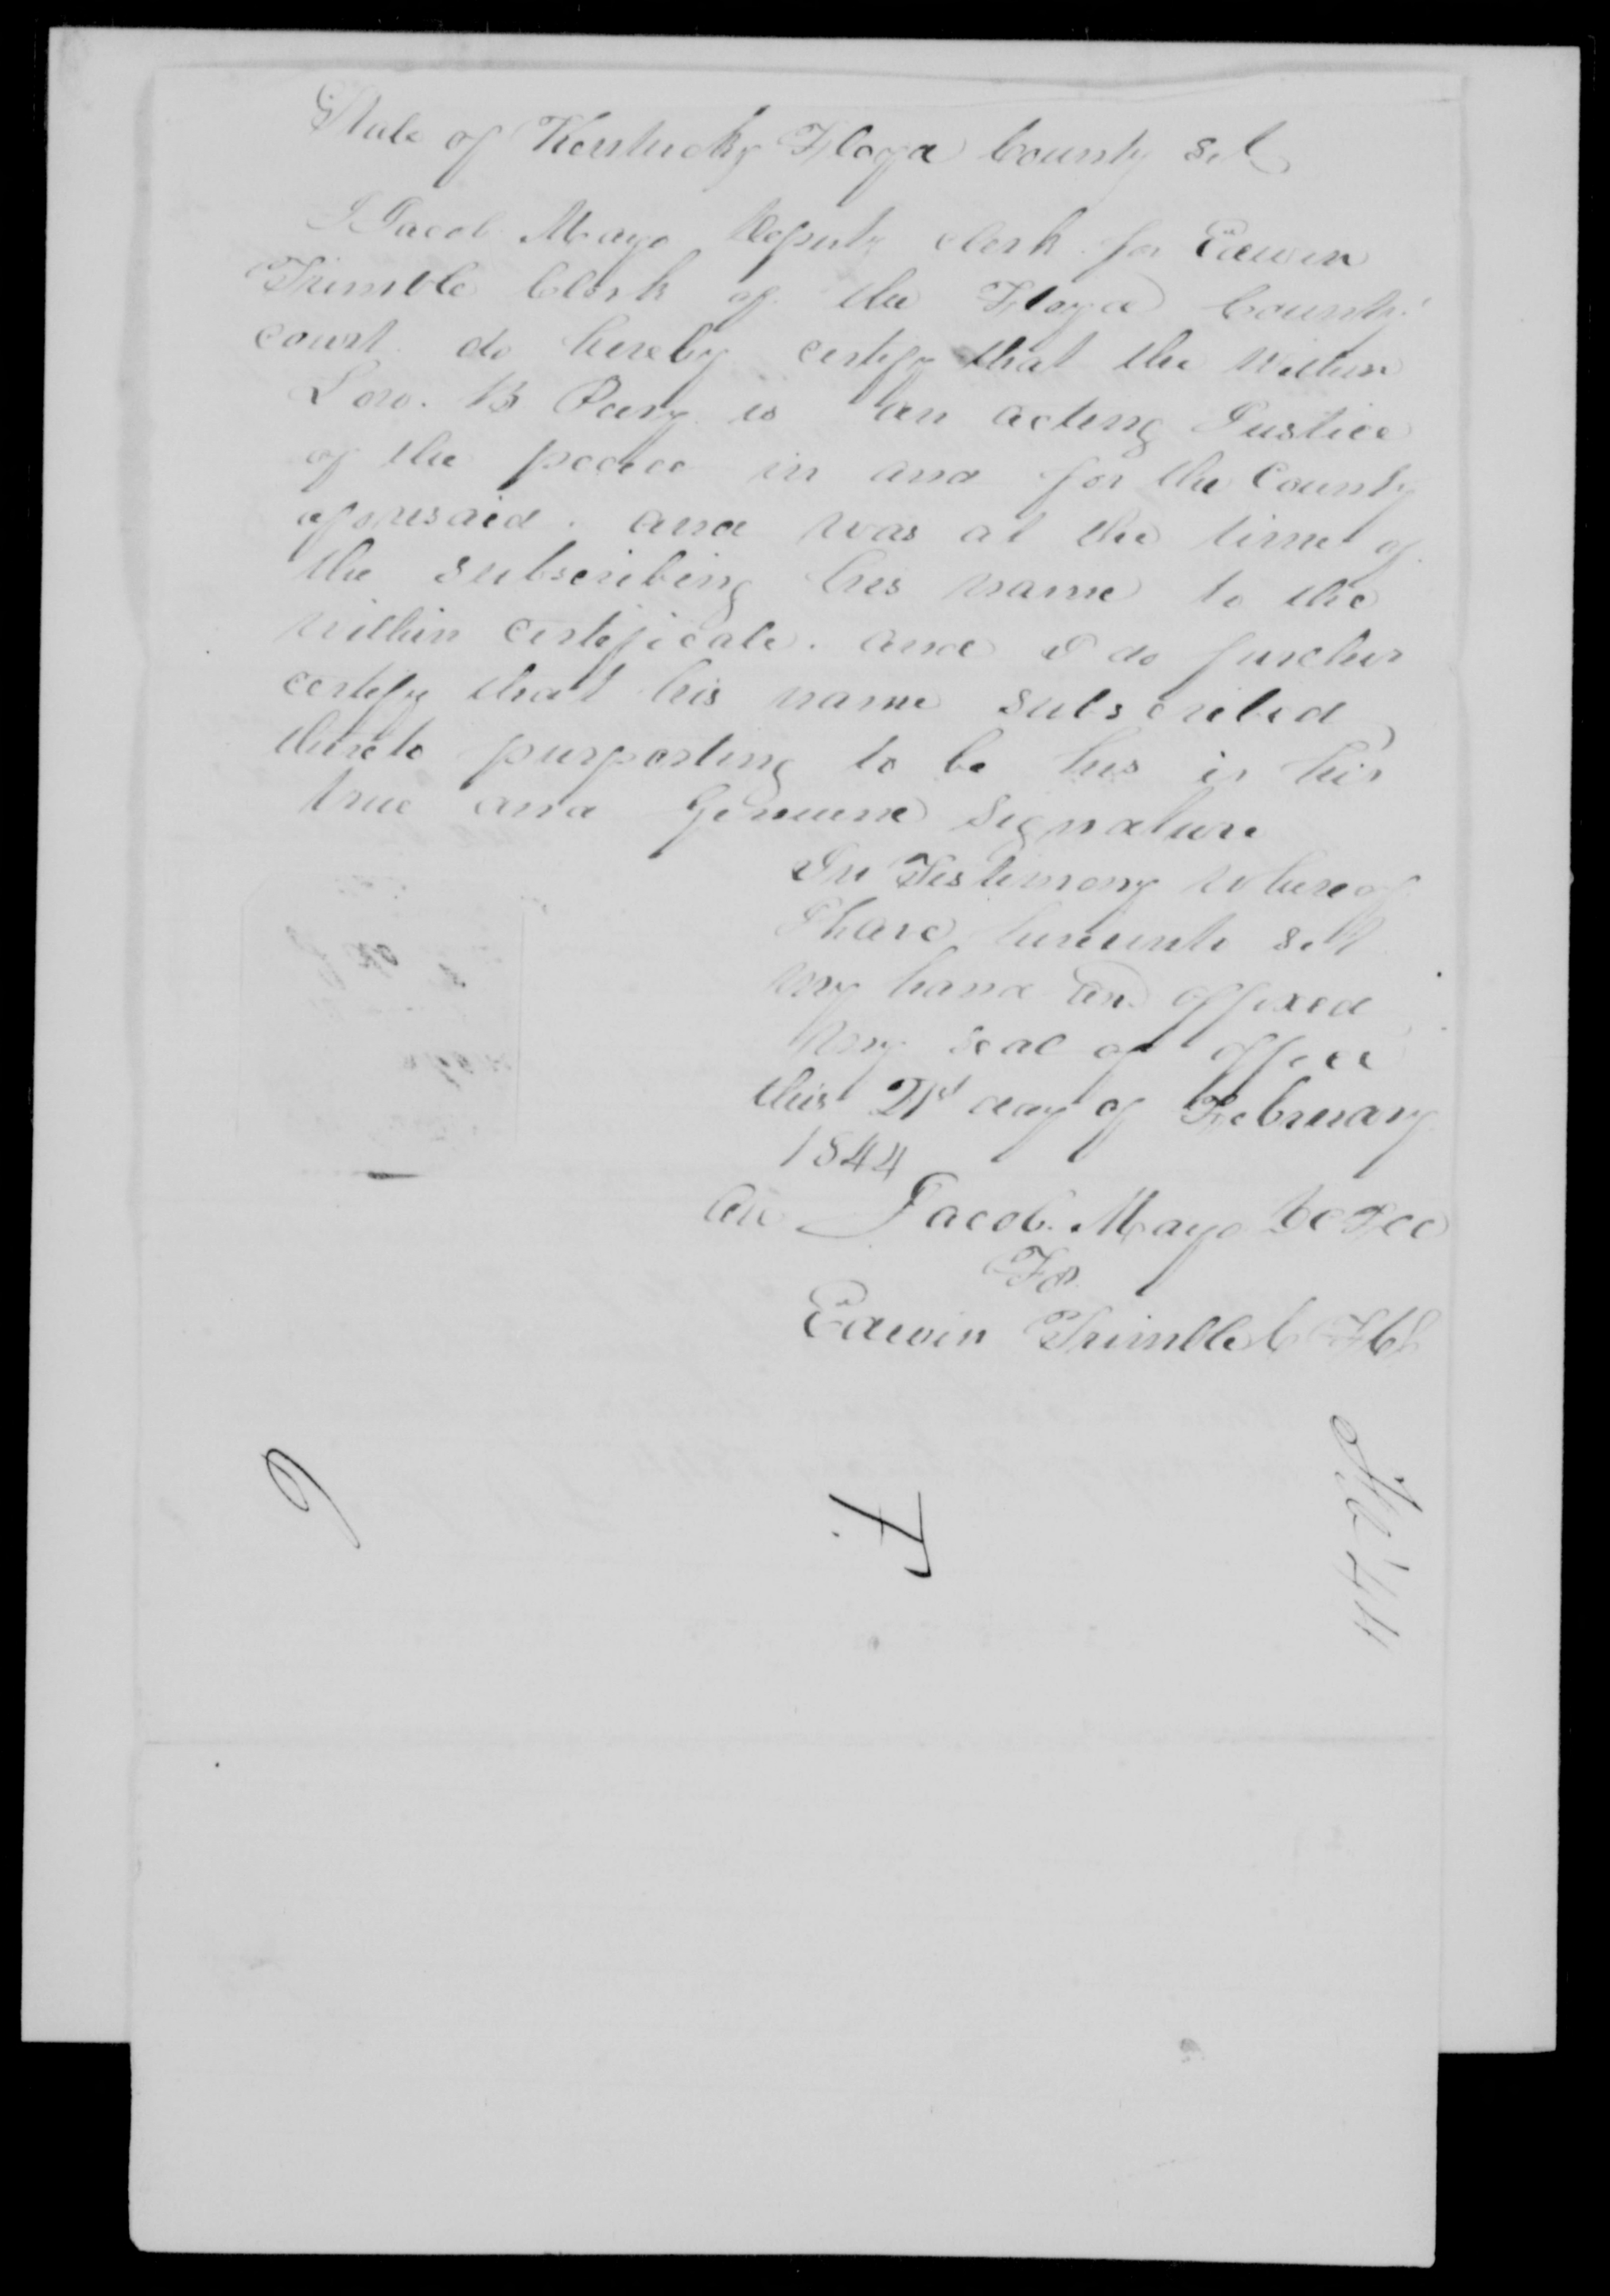State of Kentucky Floyd County SS
Jacob Mayo Deputy Clerk for Edwin
Trimble Clerk of the Floyd County
Court do hereby certify that the within
Loren B Perry is an acting Justice
of the peace in and for the County
aforesaid and was at the time of
the subscribing his name to the
within certificate, and I do further
certify that his name subscribed
thereto purporting to be his is his
true and genuine signature.
In Testimony whereof I have hereunto
 set my hand and affixed my Seal of
 office this 21st day of February 1844

[An] Jacob Mayo Dep CC
For
Edwin Trimble SCC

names: Edwin Trimble, B Peery, Jacob Mayo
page: 62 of 100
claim: widow's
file: W. 6437, Richard Wells, Ga Va.